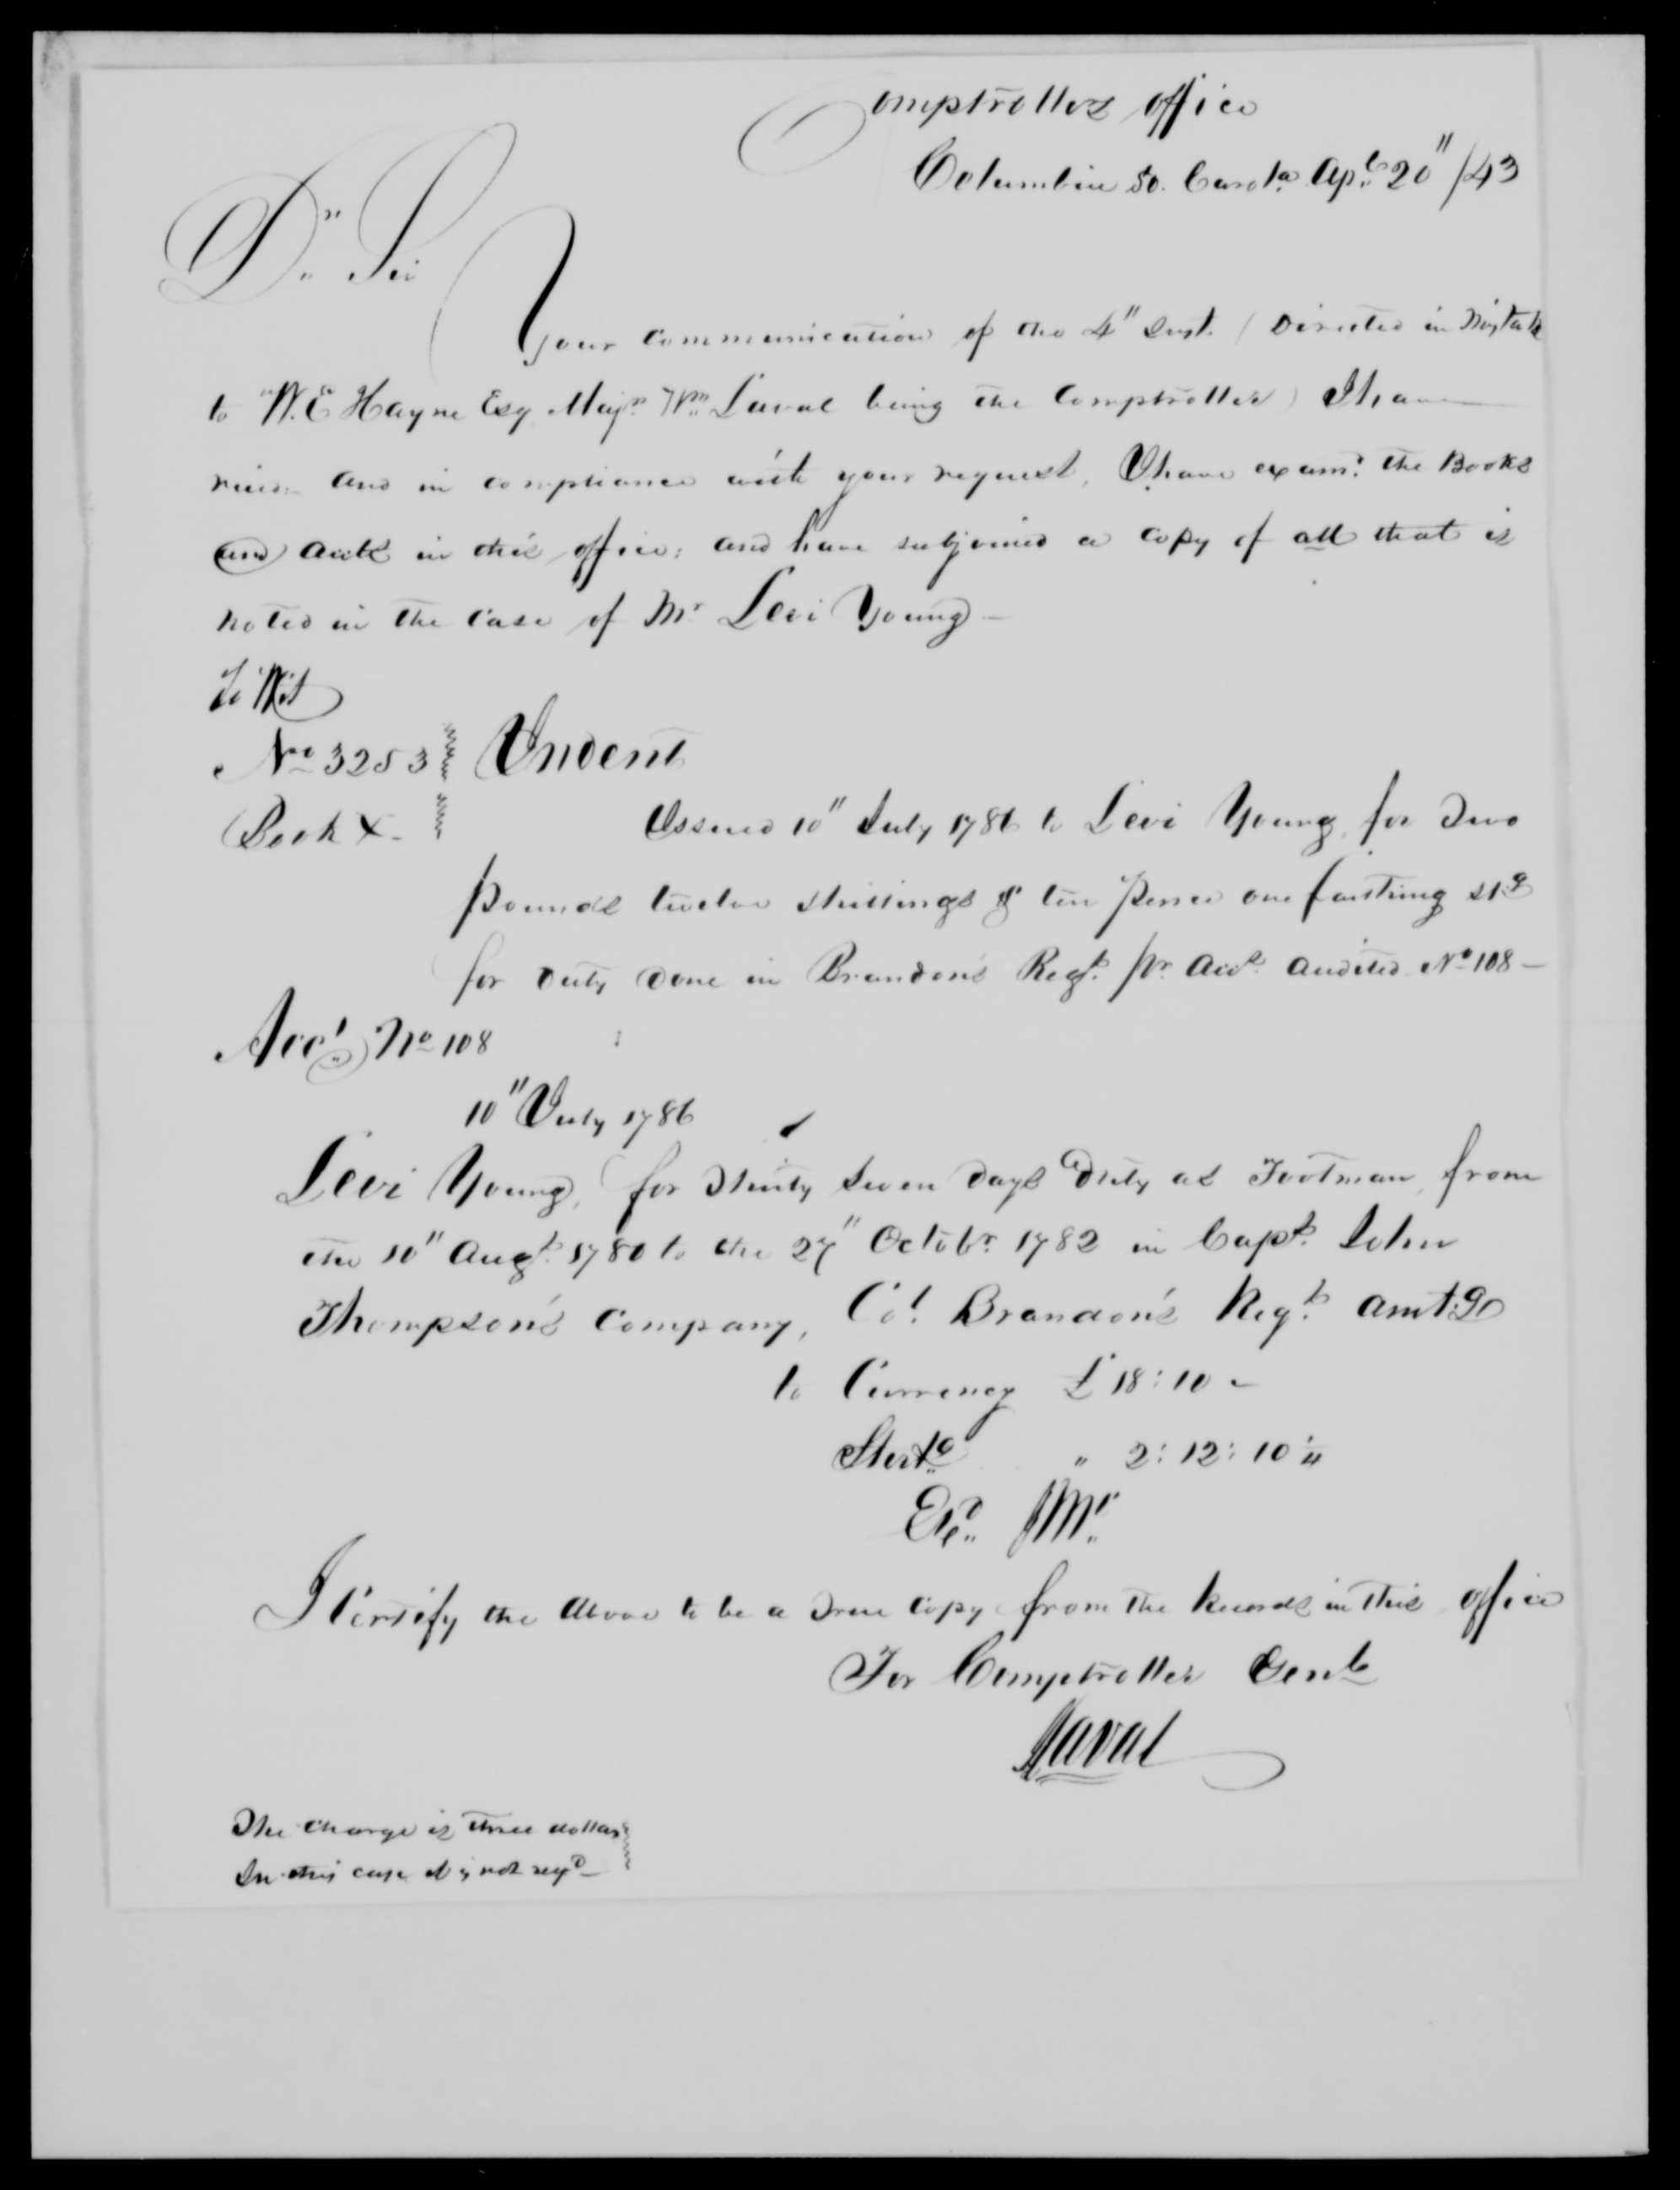Comptrollers Office
Columbia So. Carola. [South Carolina] Ap 20"/43 [April 20th 1843]

Dear Sir
     Your communication of the 4" Inst. [Instant] (Directed in mistake
to W. E. Hayne Esq. Mayr. [Major] Wm. [William] Duval being the Comptroller) I have
(?) and in compliance with you request.  I have exam: (sic examined) the Books
and (?) in this office; and have subjoined a copy of all that is
noted in the case of Mr. Levi Young --
To Wit
No 3253 { (?)
Book X  {   Issued 10" July 1786 to Levi Young for two
pounds twelve shillings ten pence one farthing
for duty done in [Col. Thomas] Brandon's Regt. [Regiment] pr. accs. audited No 108 --

Acc' No 108
10" July 1786
Levy Young, for Twenty Seven days duty as Footman from
the 10" Augt. [August] 1780 to the 27" Octobr. [October] 1783 in Capt. John
Thompson's Company, Col. [Thomas] Brandon's Regt. [Regiment] amt. (?)
to Currency [symbol for British pound] 18:10 -
Sterl. [Sterling?] 2:12:10 1/4
(?) (?)

I certify the above to be a true copy from the records in this office
For Comptroller Genl. [General]
[William] Duval

The change is three dollars 
(?)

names: Wm Duval, W E Hayne, Levi Young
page: 51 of 56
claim: widow's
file: W. 9040, Levi Young, Ga. New Jersey S.C.